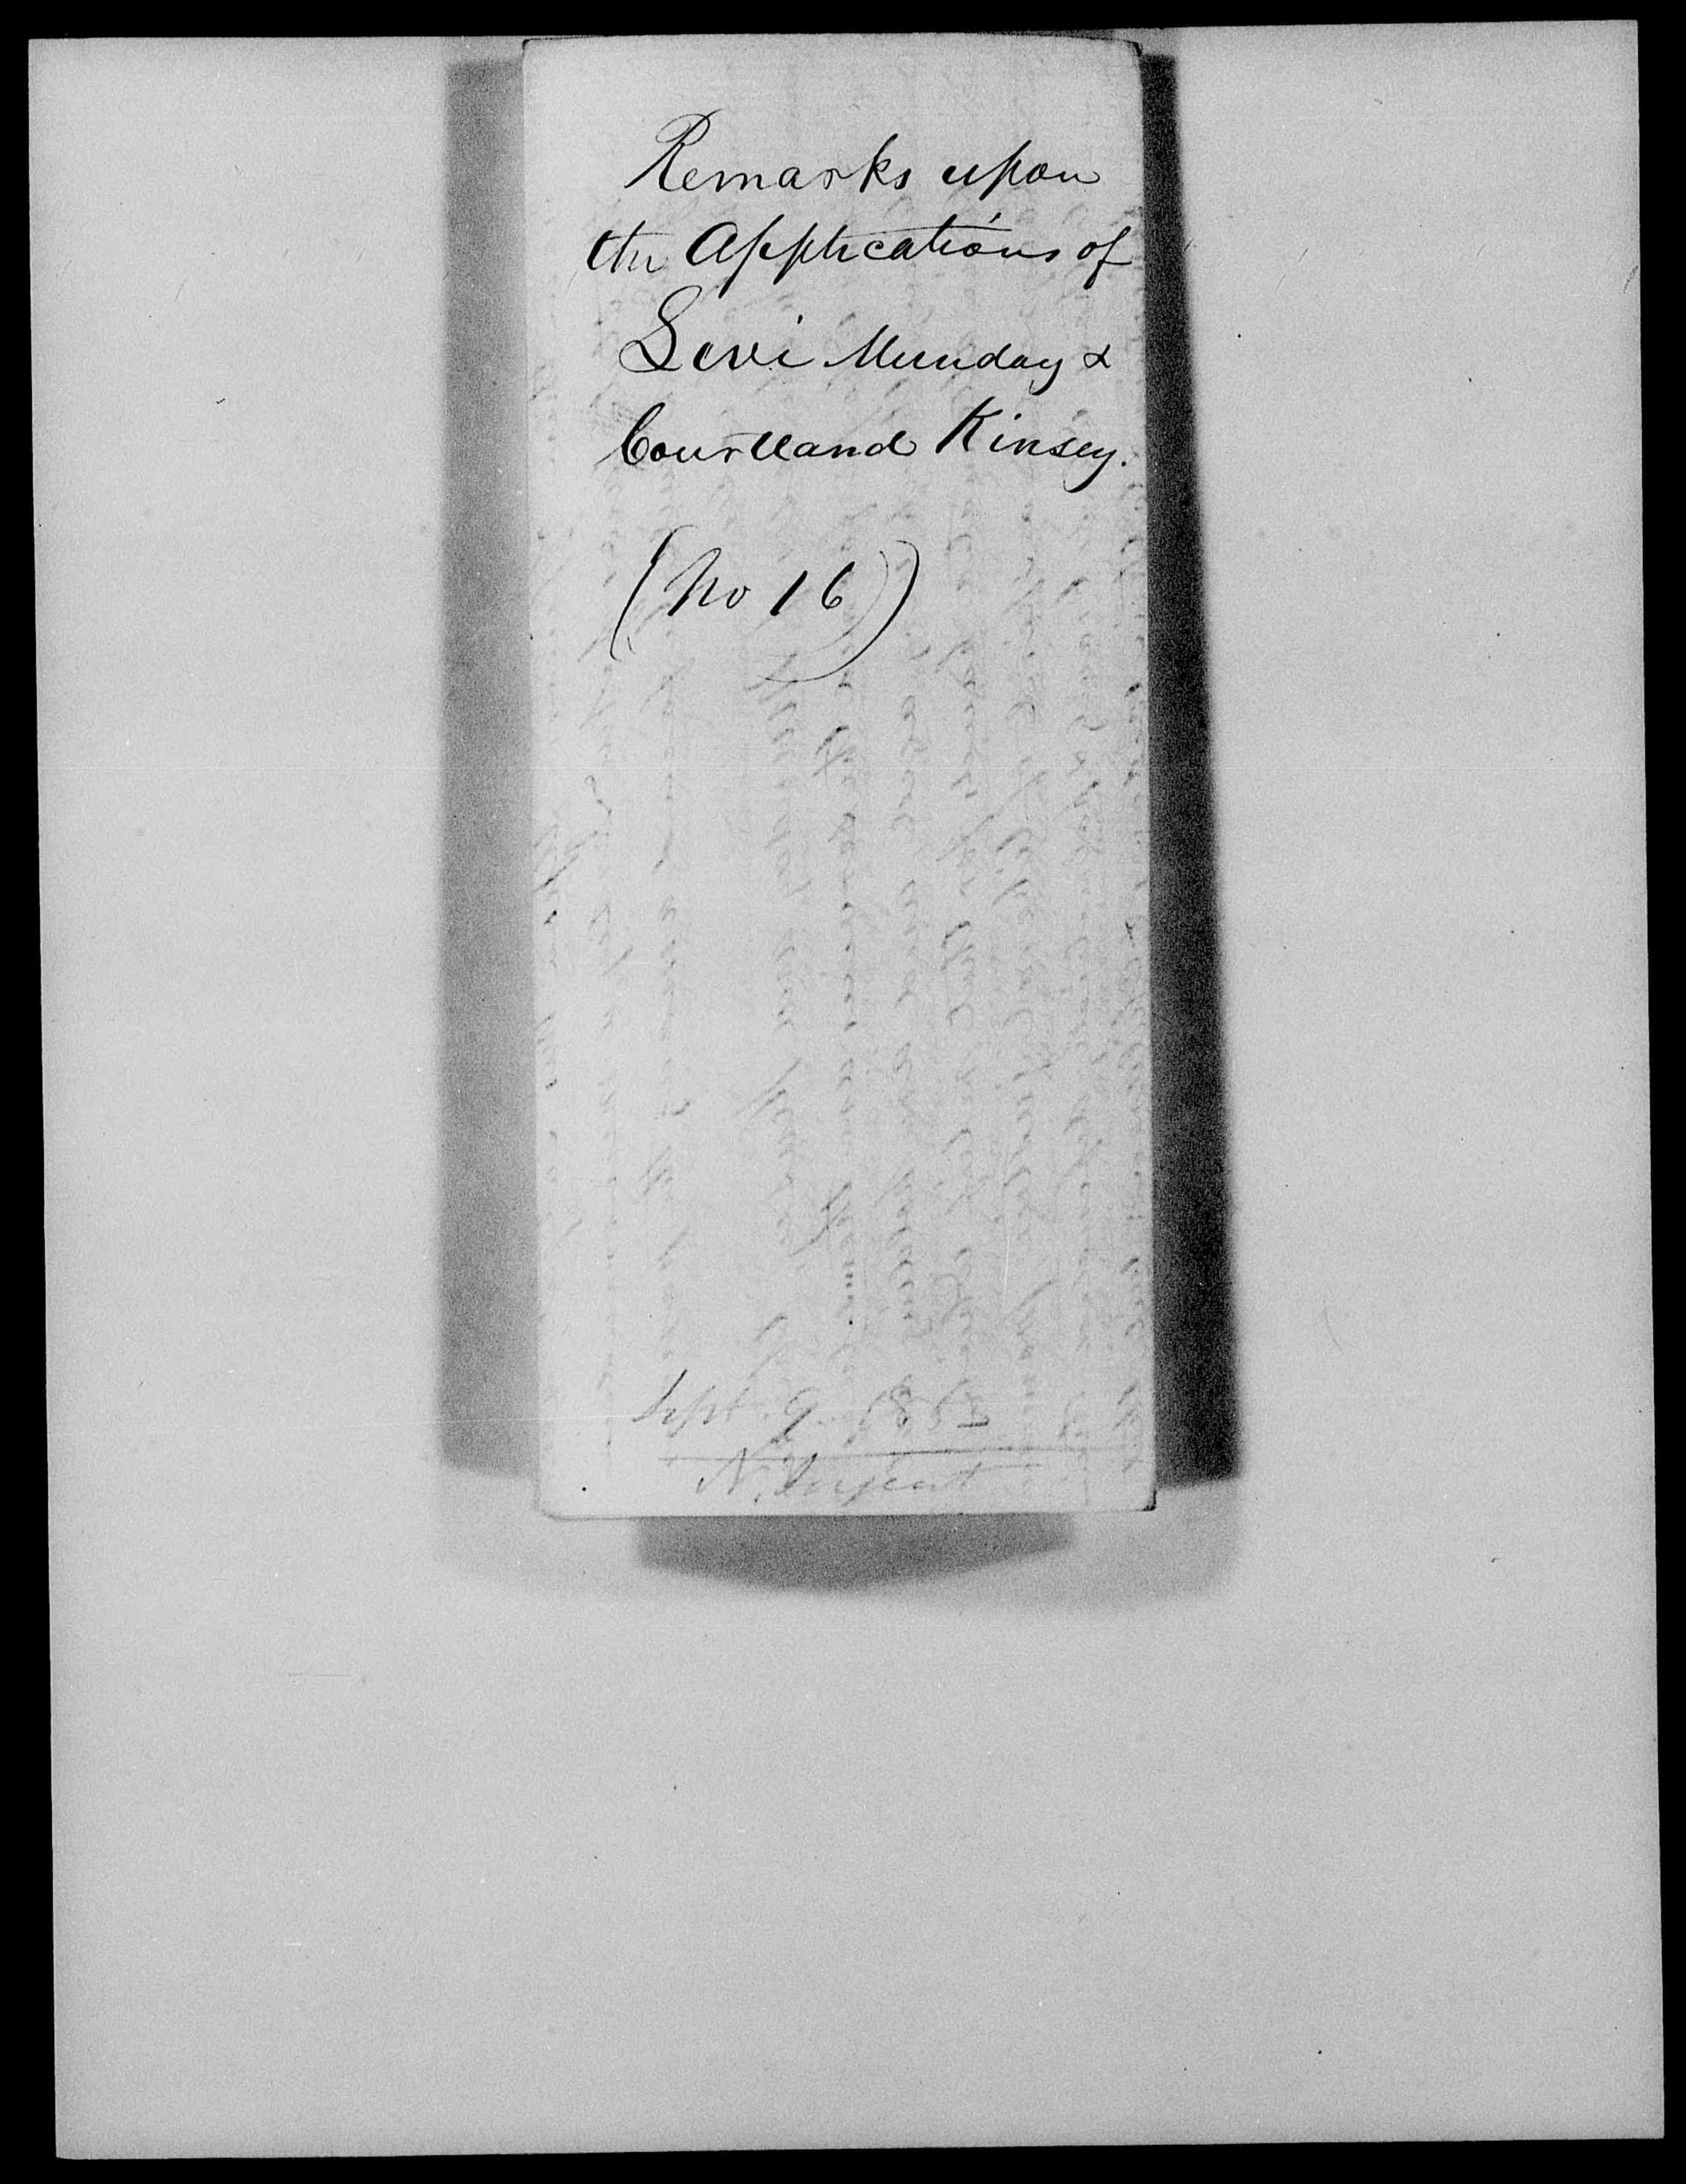Remarks upon the applications of Levi Munday & Courtland Kinsey

(No. 16)

Sep. 9, 1853
N. Sargent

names: Levi Munday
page: 91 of 95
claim: survivor's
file: S 2889, for Levi Mundy, New Jersey